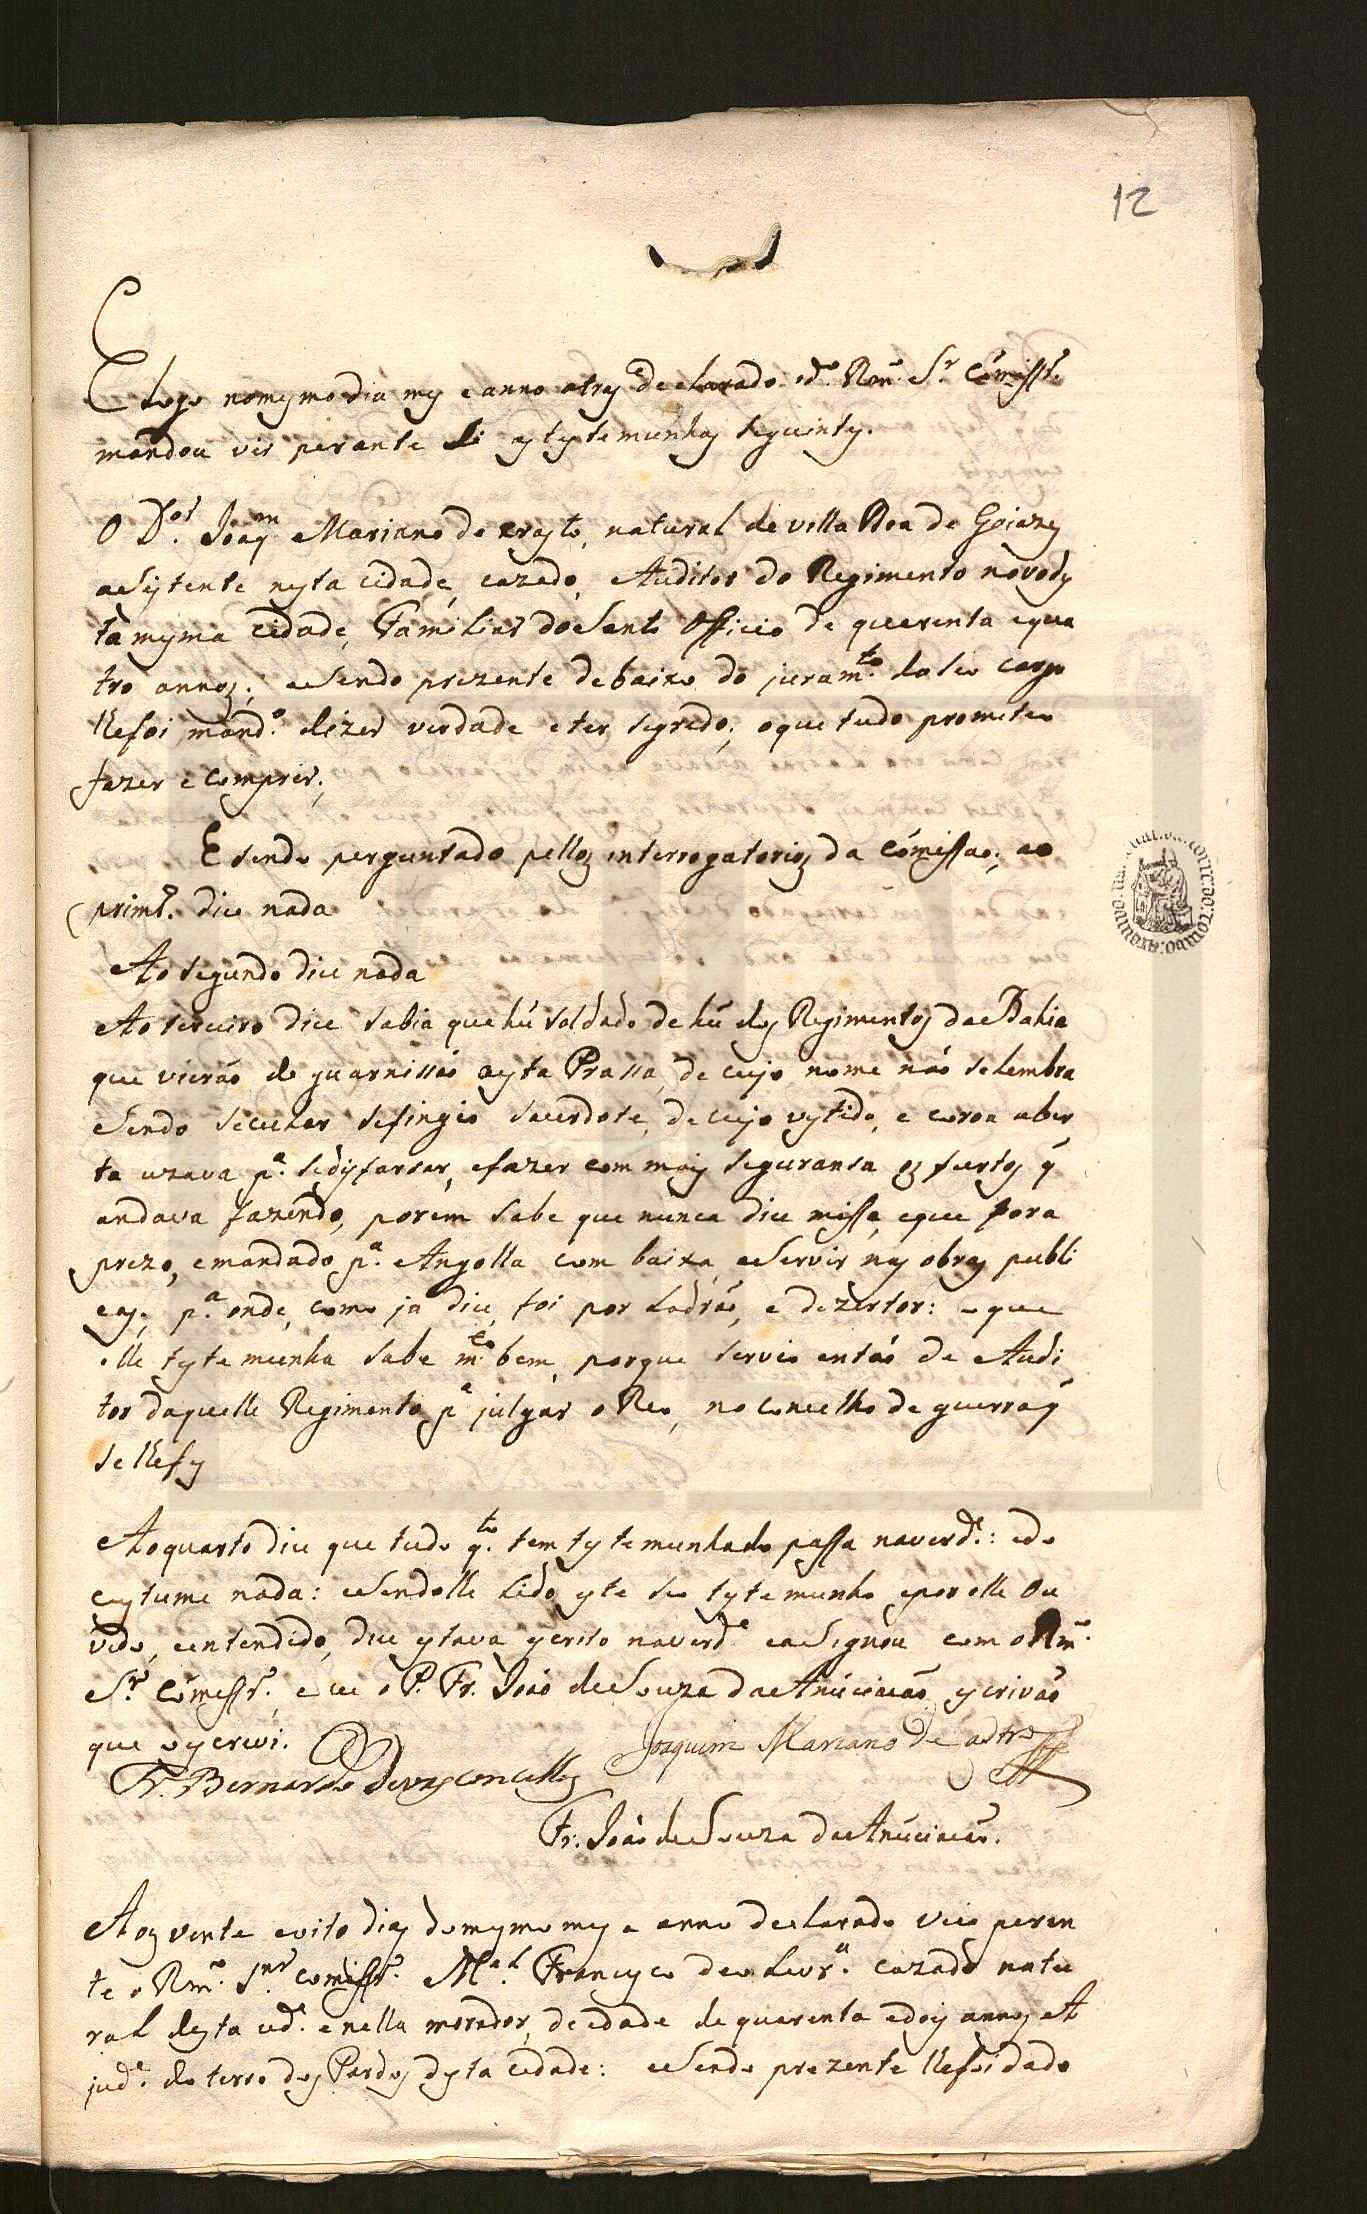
E Logo no mesmo dia mes e anno atras decLarado o d.o Rm̄. S.r com̄ssr.o
mandou vir perante si as testemunhas seguintes.
O D.or Ioaq.m Mariano do crasto, natural de villa Boa de Goiazes
asistente nesta cidade, cazado, Auditor do Regimento novo des
ta mesma cidade, FamiLiar do Santo Officio de quarenta e qua
tro annoz; e sendo prezente debaixo do juram.to do seo cargo
lhe foi mand.o dizer verdade e ter segredo; o que tudo prometeo
fazer e comprir;
E sendo perguntado pelloz interrogatorioz da com̄issao; ao
primr.o dice nada
Ao segundo dice nada
Ao terceiro dice sabia que hū soldado de hū dos Regimentos da Bahia
que vierão de guarnissão a esta Prassa, de cujo nome não se Lembra
sendo secular se fingio sacerdote, de cujo vestido, e coroa aber
ta uzava p.a se disfarsar, e fazer com mais seguransa oz furtos q̄
andava fazendo, porem sabe que nunca dice missa, e que fora
prezo, e mandado p.a Angolla com baixa, a servir nas obras publi
cas; p.a onde, como ja dice, foi por Ladrão, e dezertor: o que
elle testemunha sabe m.to bem, porque servio então de Audi
tor daquelle Regimento p.a julgar o Reo, no concelho de guerra q̄
se lhefes
Ao quarto dice que tudo q.to tem testemunhado passa na verd.de: e do
custume nada: e sendolhe Lido este seo testemunho e por ele ou
vido, e entendido, dice estava escrito na verd.e e asignou com o Rm̄.
S.r Cōmissr.o, e eu o P. Fr. Ioaõ de Souza da Anúnciacão escrivaõ
que o escrevi.
Aos vinte e oito dias do mesmo mes e anno declarado veio peran
te o Rm̄. s.nr comissr.o M.al Francisco de oLivr.a cazado natu
raL desta cide. e nella morador, de idade de quarenta e dois annos A
jud.e do terro dos Pardos desta cidade: e sendo prezente lhe foi dado
